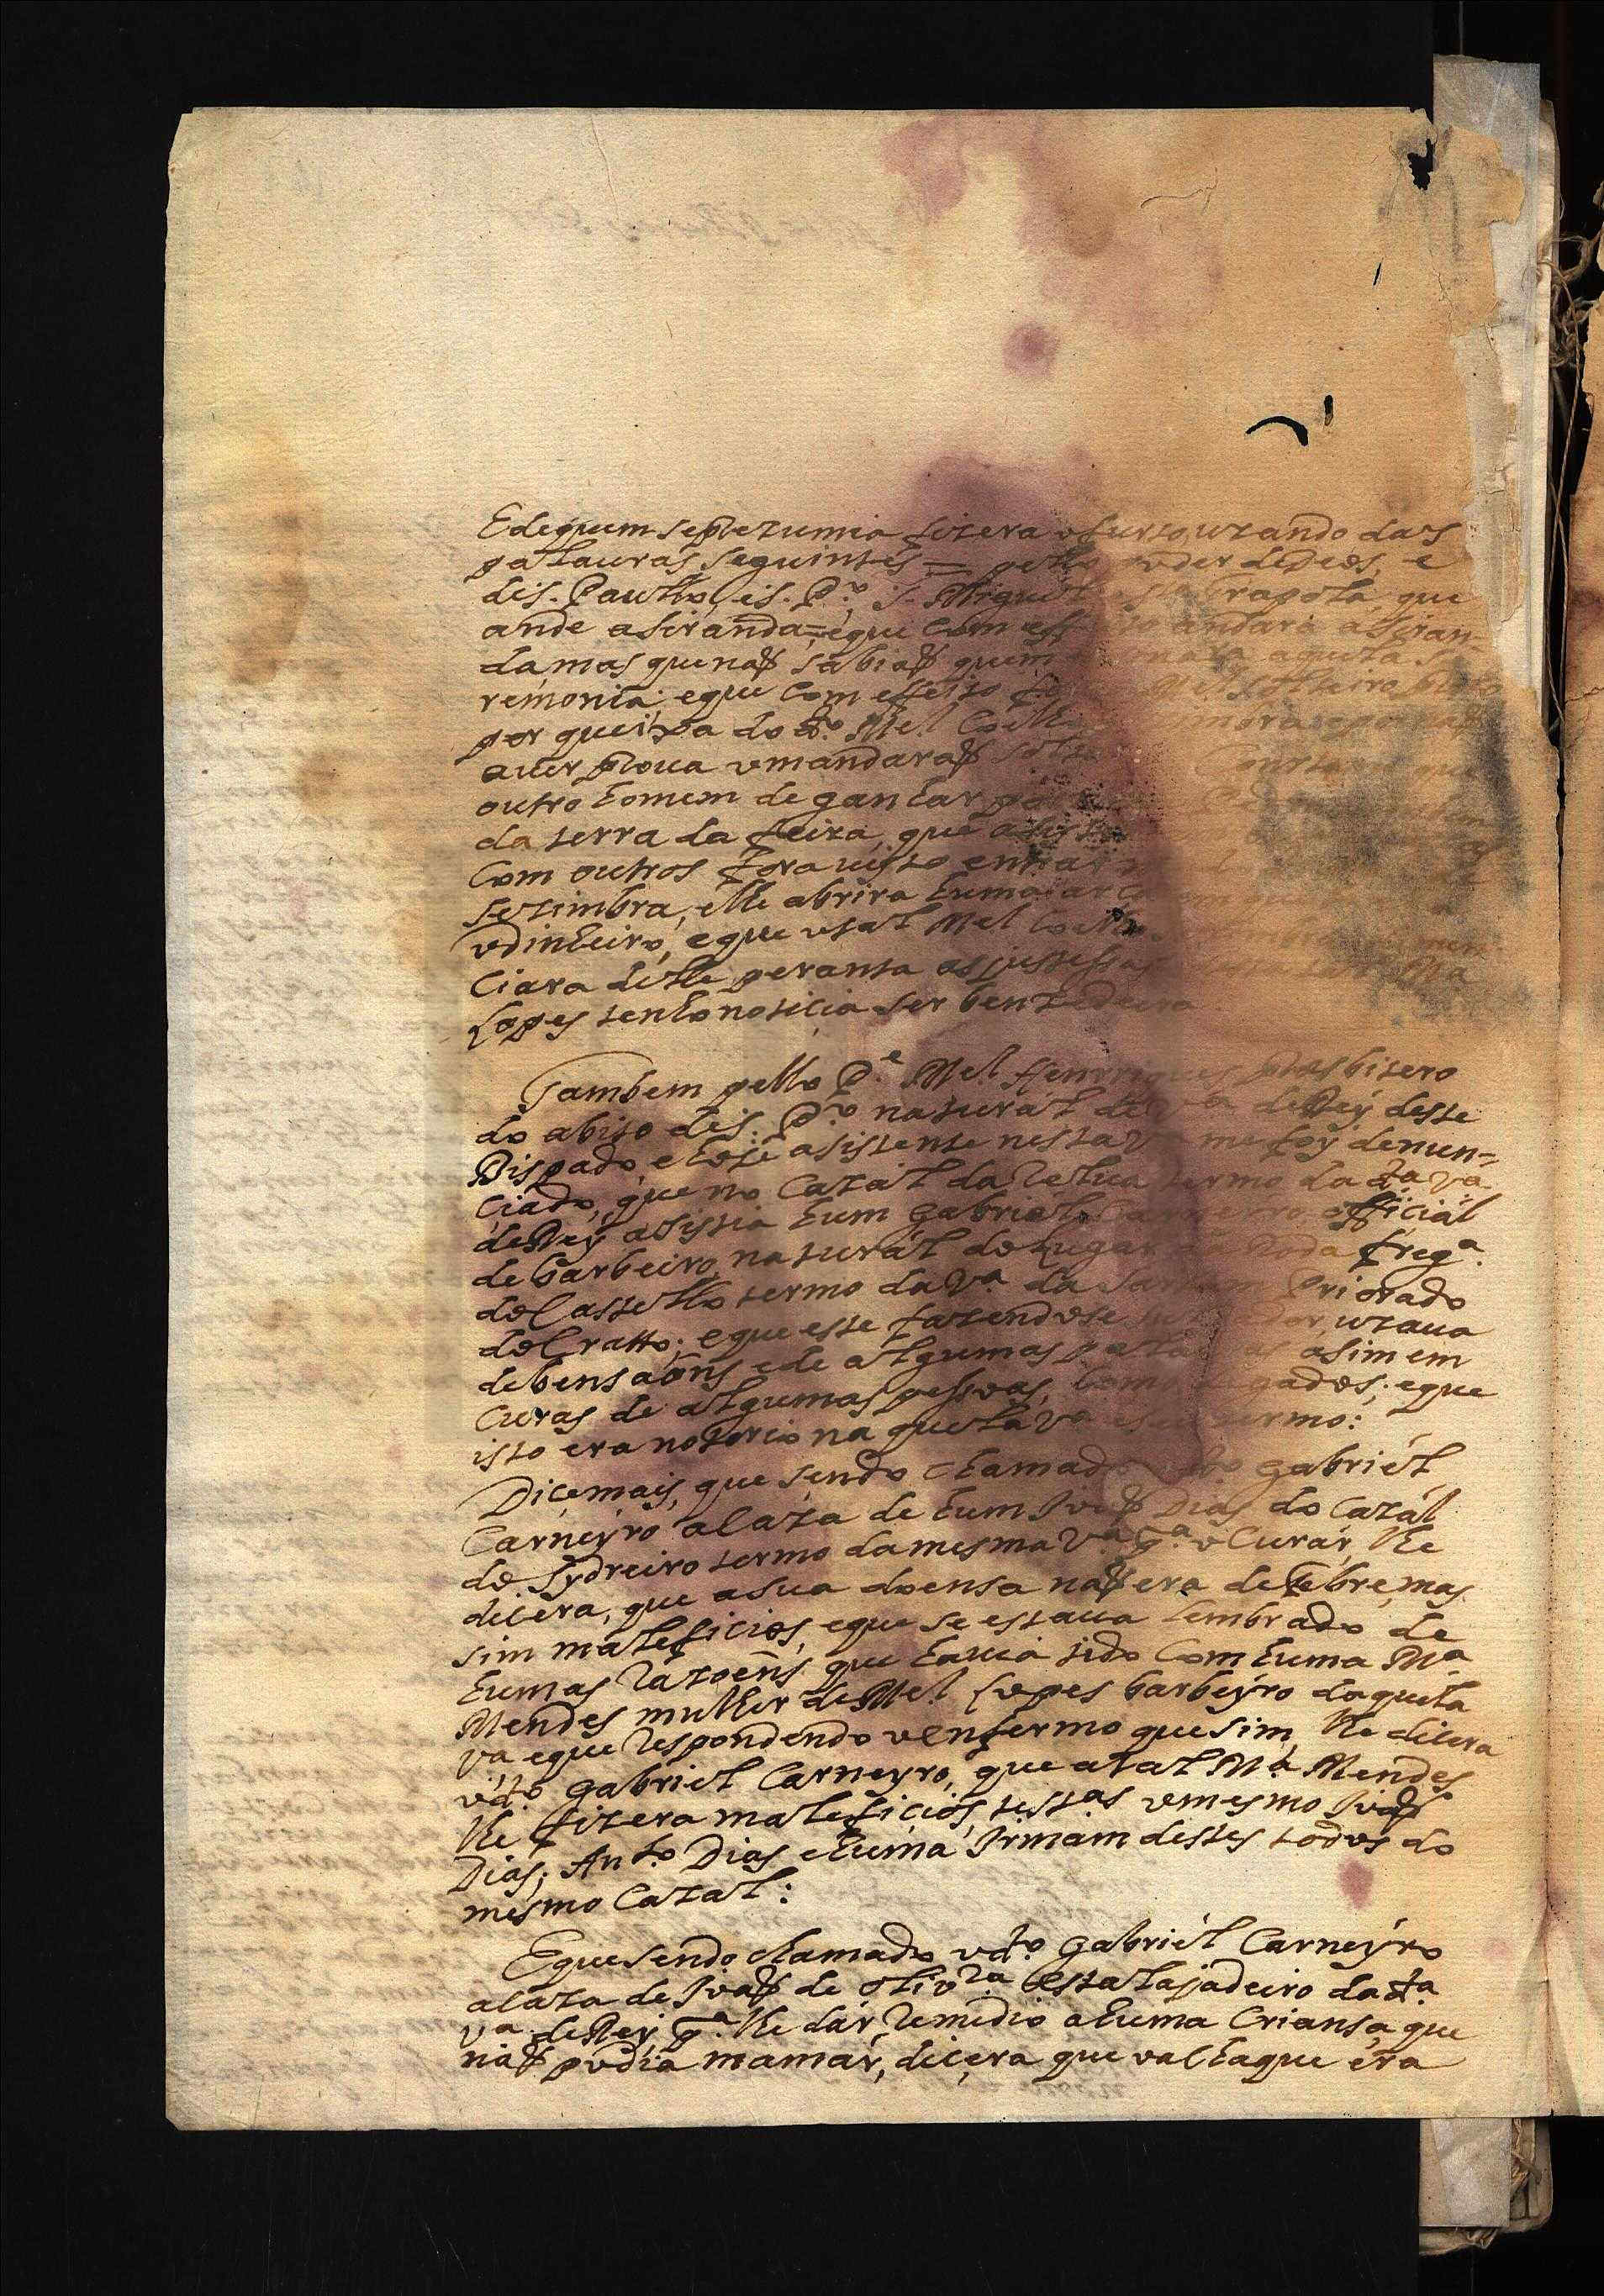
E de quem se prezumia fizera o furto uzando das
palauras seguinte = pello poder de Deos, e
dis. Paullo e s. P.ro, S. Miguel sta Frapola, que
ande a siranda= e que com effeyto andara a siran
da, mas que naõ sabiaõ quem _sinara aqueLa se
remonia; e que com effeito foraõ Mel solteiro pReso
por queixa do d̄o Mel Coelh _zimbra por naõ
auer pRoua o mandaraõ solt _ consta_ que
outro homem de ganhar p_ _______
da terra da feira, que asist _______
com outros fora uisto entrar n____ de
sezimbra, e lhe abrira huma arca em ______
o dinheiro, e que u tal Mel Coelho Sezimbra _______
ciara delle peranta as justissas _____
Lopes tenho noticia ser benzedeira
Tambem pello P.e Mel Henrriques pResbitero
do abito de s. P.ro natural da Va de Rey deste
Bispado, e hoje asistente nesta Va me foy denun
ciado, que no cazal da Relua termo da d̄a va
de Rey asistia hum gabriel Carneiro official
de barbeiro natural do Lugar da Roda frega.
do Castello termo da V.a da sar_m Priorado
do Cratto; e que este fazendose ____ dor, uzaua
de bensaõns e de algumas palavras asim em
curas de algumas pessoas, como _ gados; e que
isto era notorio naqueLa va e seu termo:
Dice mais, que sendo chamado d̄.o gabriel
Carneyro a caza de hum Ioaõ Dias do cazal
do sydreiro termo da mesma V.a p.a o curar, lhe
dicera, que a sua doensa naõ era de Febre, mas
sim maleficios, e que se estaua lembrado de
humas Razoen̄s que hauia tido com huma M.a
Mendes mulher de Mel Lopes barbeyro daquela
V.a, e que Respondendo o enfermo que sim, lhe dicera
o d̄o gabriel Carneyro, que a tal M.a Mendes
lhe fizera malefiçios, test.as o mesmo Ioaõ
Dias; Ant.o Dias e huma Irmam destes todos do
mesmo Cazal:
E que sendo chamado o d̄.o gabriel Carneyro
a caza de Ioaõ de oLiv.ra estaLajadeiro da d̄.a
v.a de Rey, p.a lhe dar, Remedio a huma criansa, que
naõ podia mamar, diçera que o achaque era
